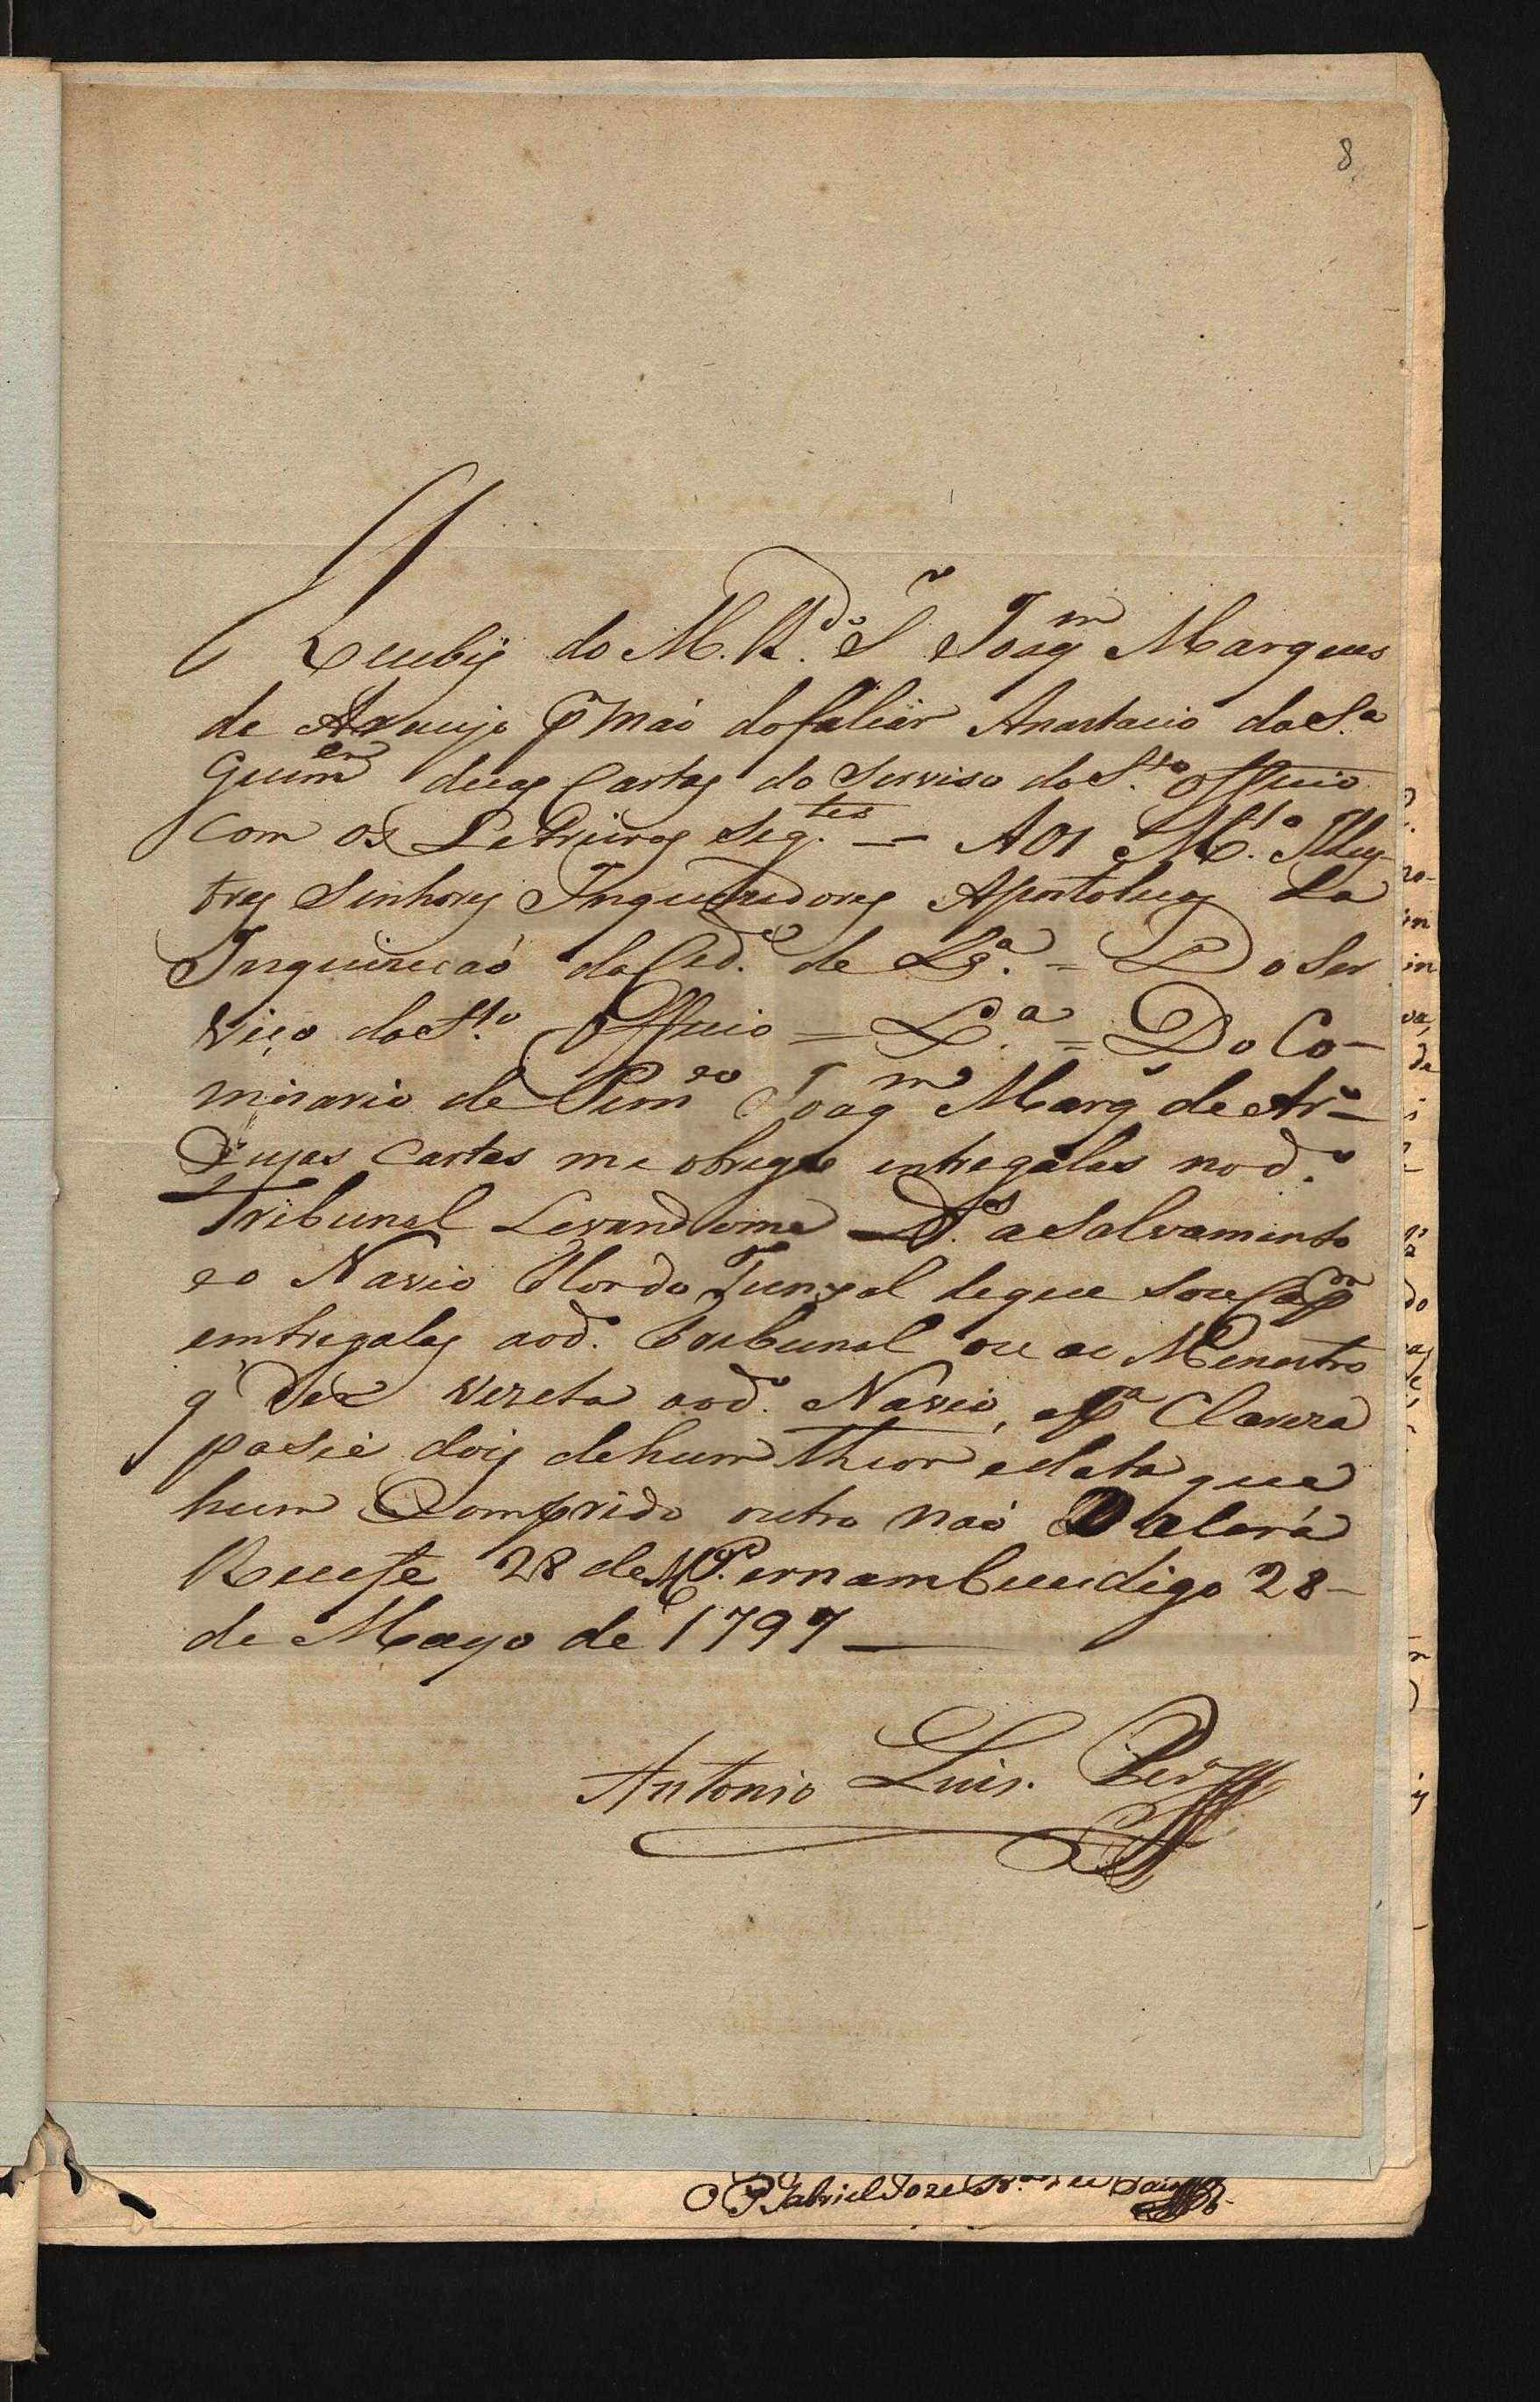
Receby do M. R.do Sr Ioaqm Marques
de Aruujo pr maõ do faliar Anastacio da S.a
Guimes duas Cartas do Serviso do S.to officio
com os Letreiros Seg.tes = Aos M.to Illus
tres Senhores Inquezedores Apostolicos da
Inquizeçaõ da Cid.e de Lx.a = Do ser
viço do S.to Officio = Lxa = Do Co
misario de Pern.co Ioaqm Marq̄. de Aro
Cujas cartas me obregao entregalas no d.o
Tribunal Levandome D.s a Salvamento
e o Navio Flor do Tunxal de que Sou Capm
emtregalas ao d.o Trebunal ou ao Menestro
q̄ der vezeta ao d.o Navio, e p.a Clareza
passé dois de hum theor e data que
hum Comprido outro naõ Declará
Recefe 28 de M.co Pernambuco digo 28
de Mayo de 1797
Antonio Luis. Per
